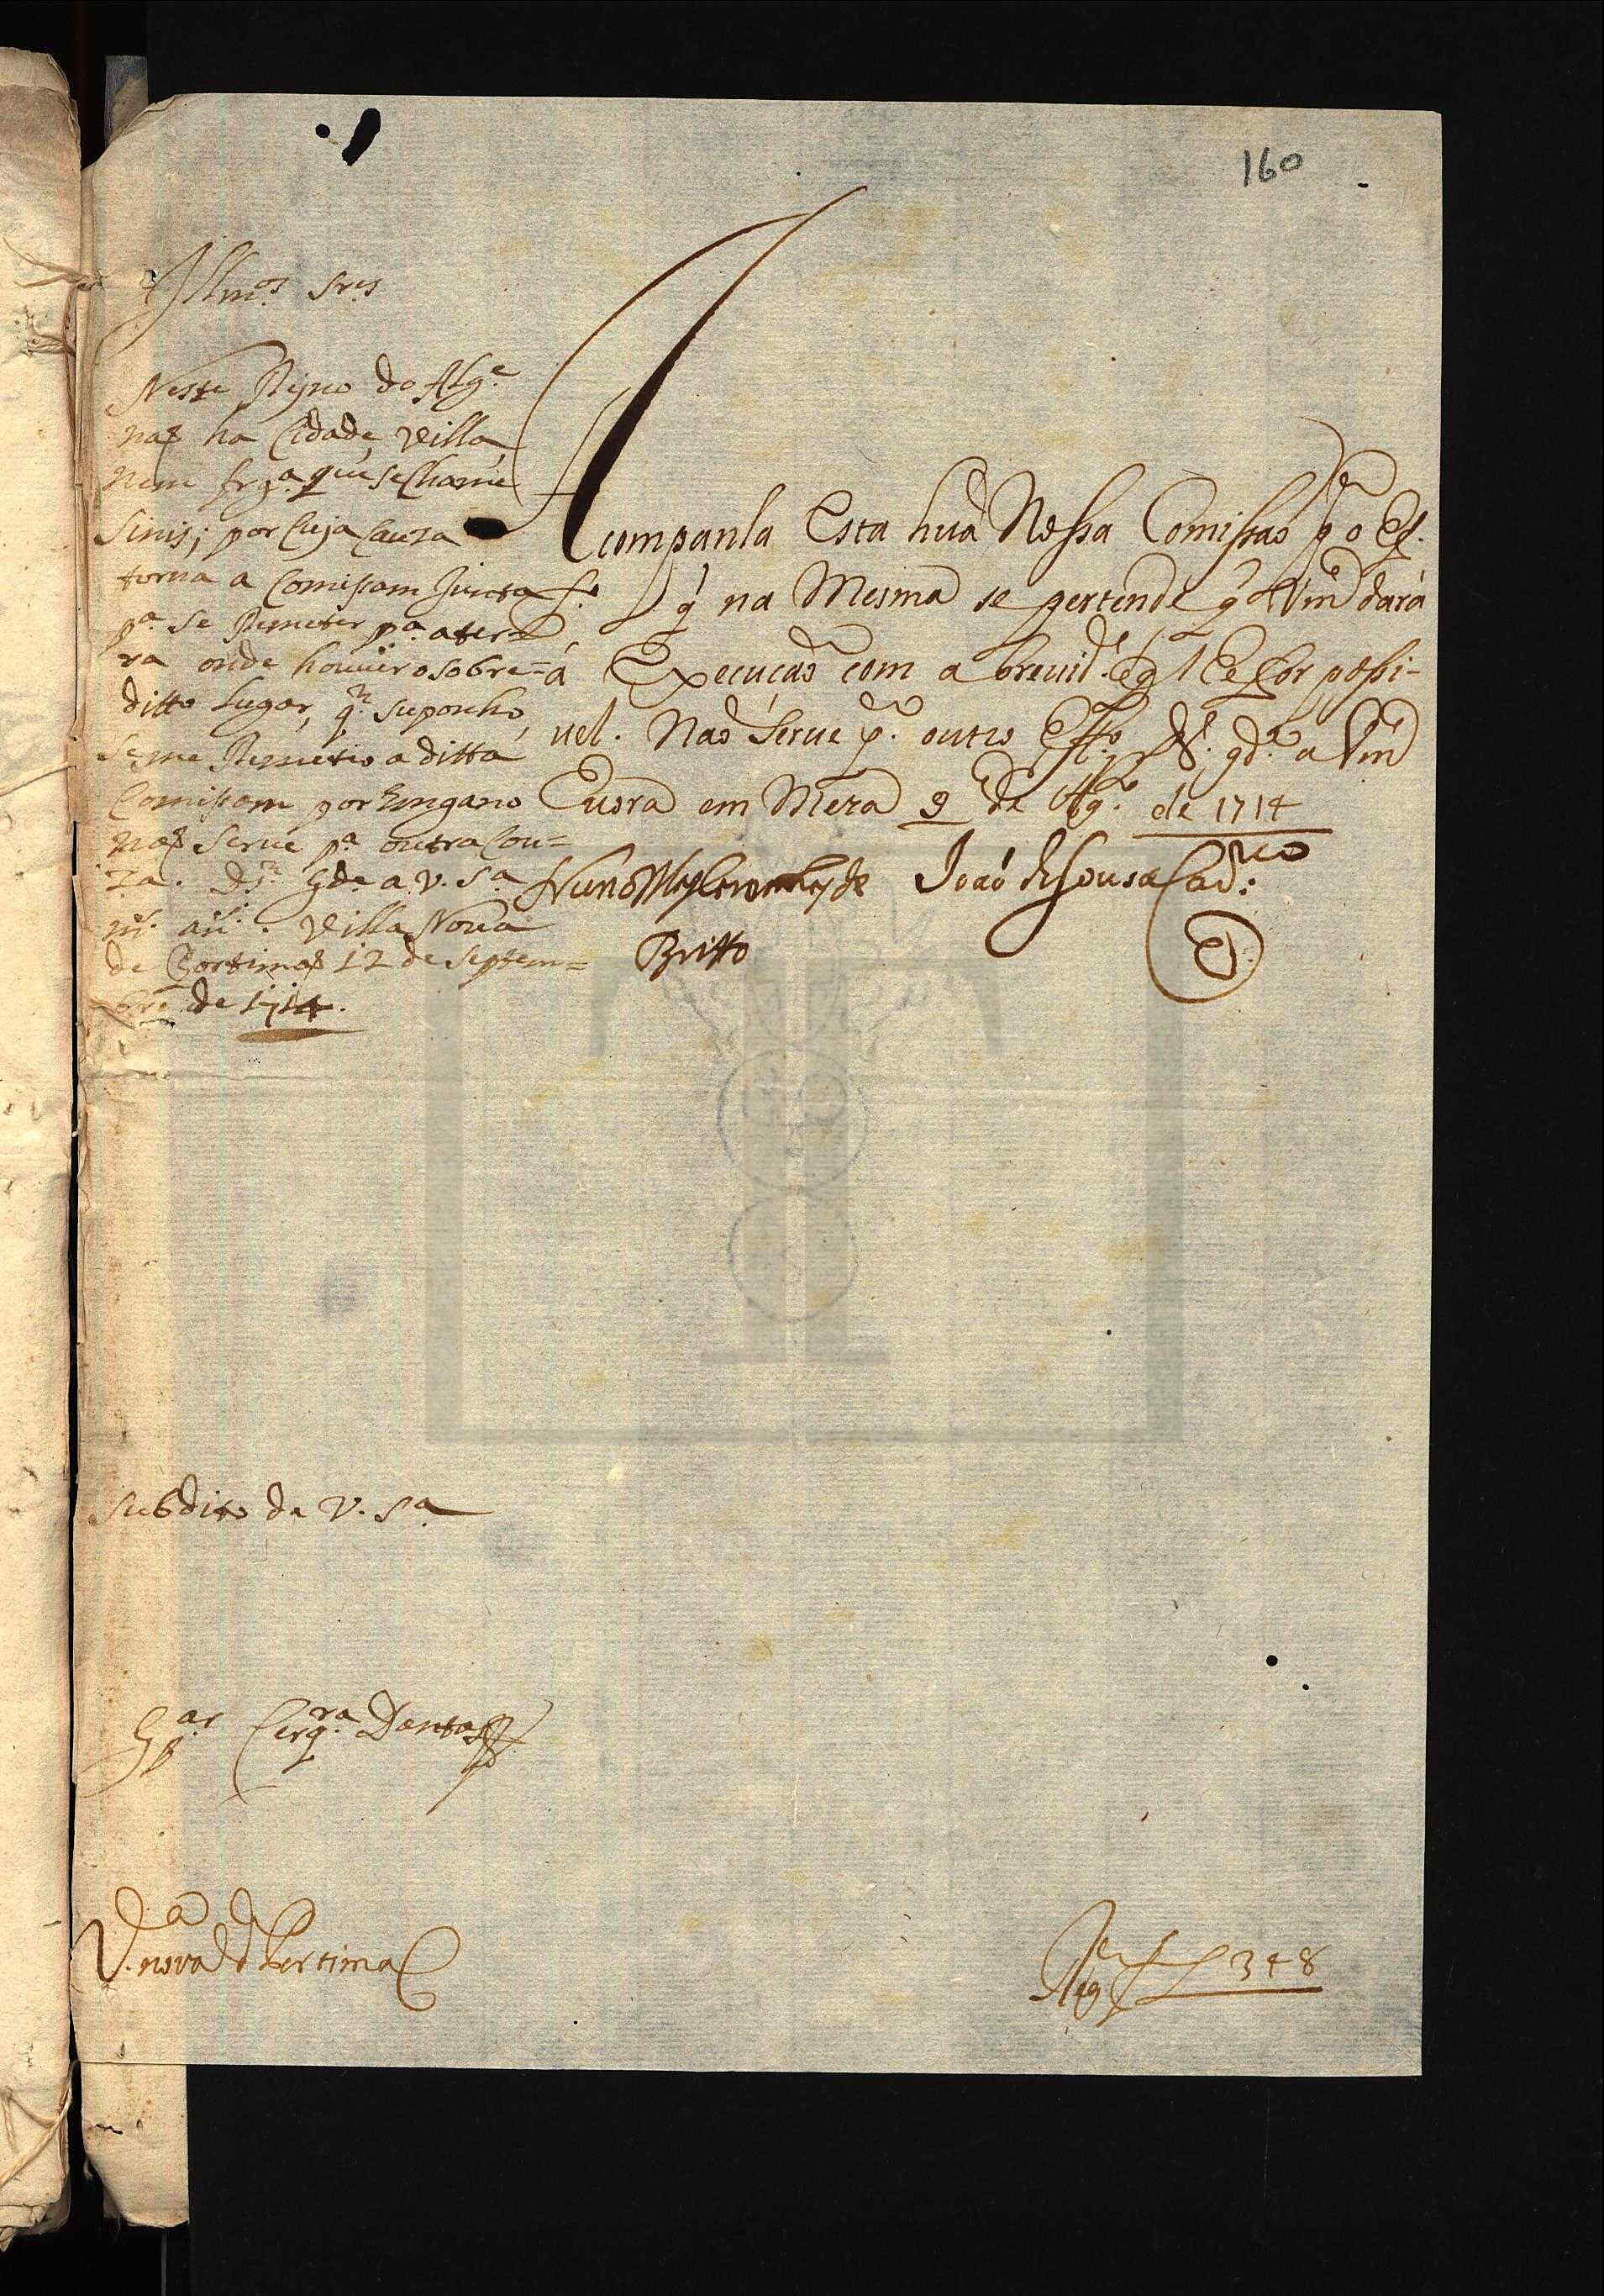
Jllm.os Sres̄
Neste Rejno do Alg.e
naõ ha Cidade, villa,
nem frg.a que se Chame
sinis; por Cuja Cauza
torna a Comissam Junta
p.a se Remeter p.a a ter
ra onde houuer o sobre
ditto Lugar, q̄. suponho,
se me Remeteo a ditta
Comissam por Engano
naõ serue p.a outra Cou
za. Ds. gde a V. S.a
m.s an.s Villa Noua
de Portimaõ i2 de septem
bro de i7i4.
Acompanha Esta huā nossa Comissaõ q̄ o Ef
f.o q̄ na mesma se pertende q̄ V mce dará
á Execuçaõ com a breuide q̄ lhe for possi
uel. naõ serue p.a outro Eff.o Ds. gd.e a V m.ce
Euora em meza 9 de Ag.to de 1714
Nuno MasCarenhas de Ioaõ de sousa Car.o
Britto
subdito da V. s.a
Gp.ar Cerq.ra Danta
V.a nova d̄ Portimā
Reg.a fL348
